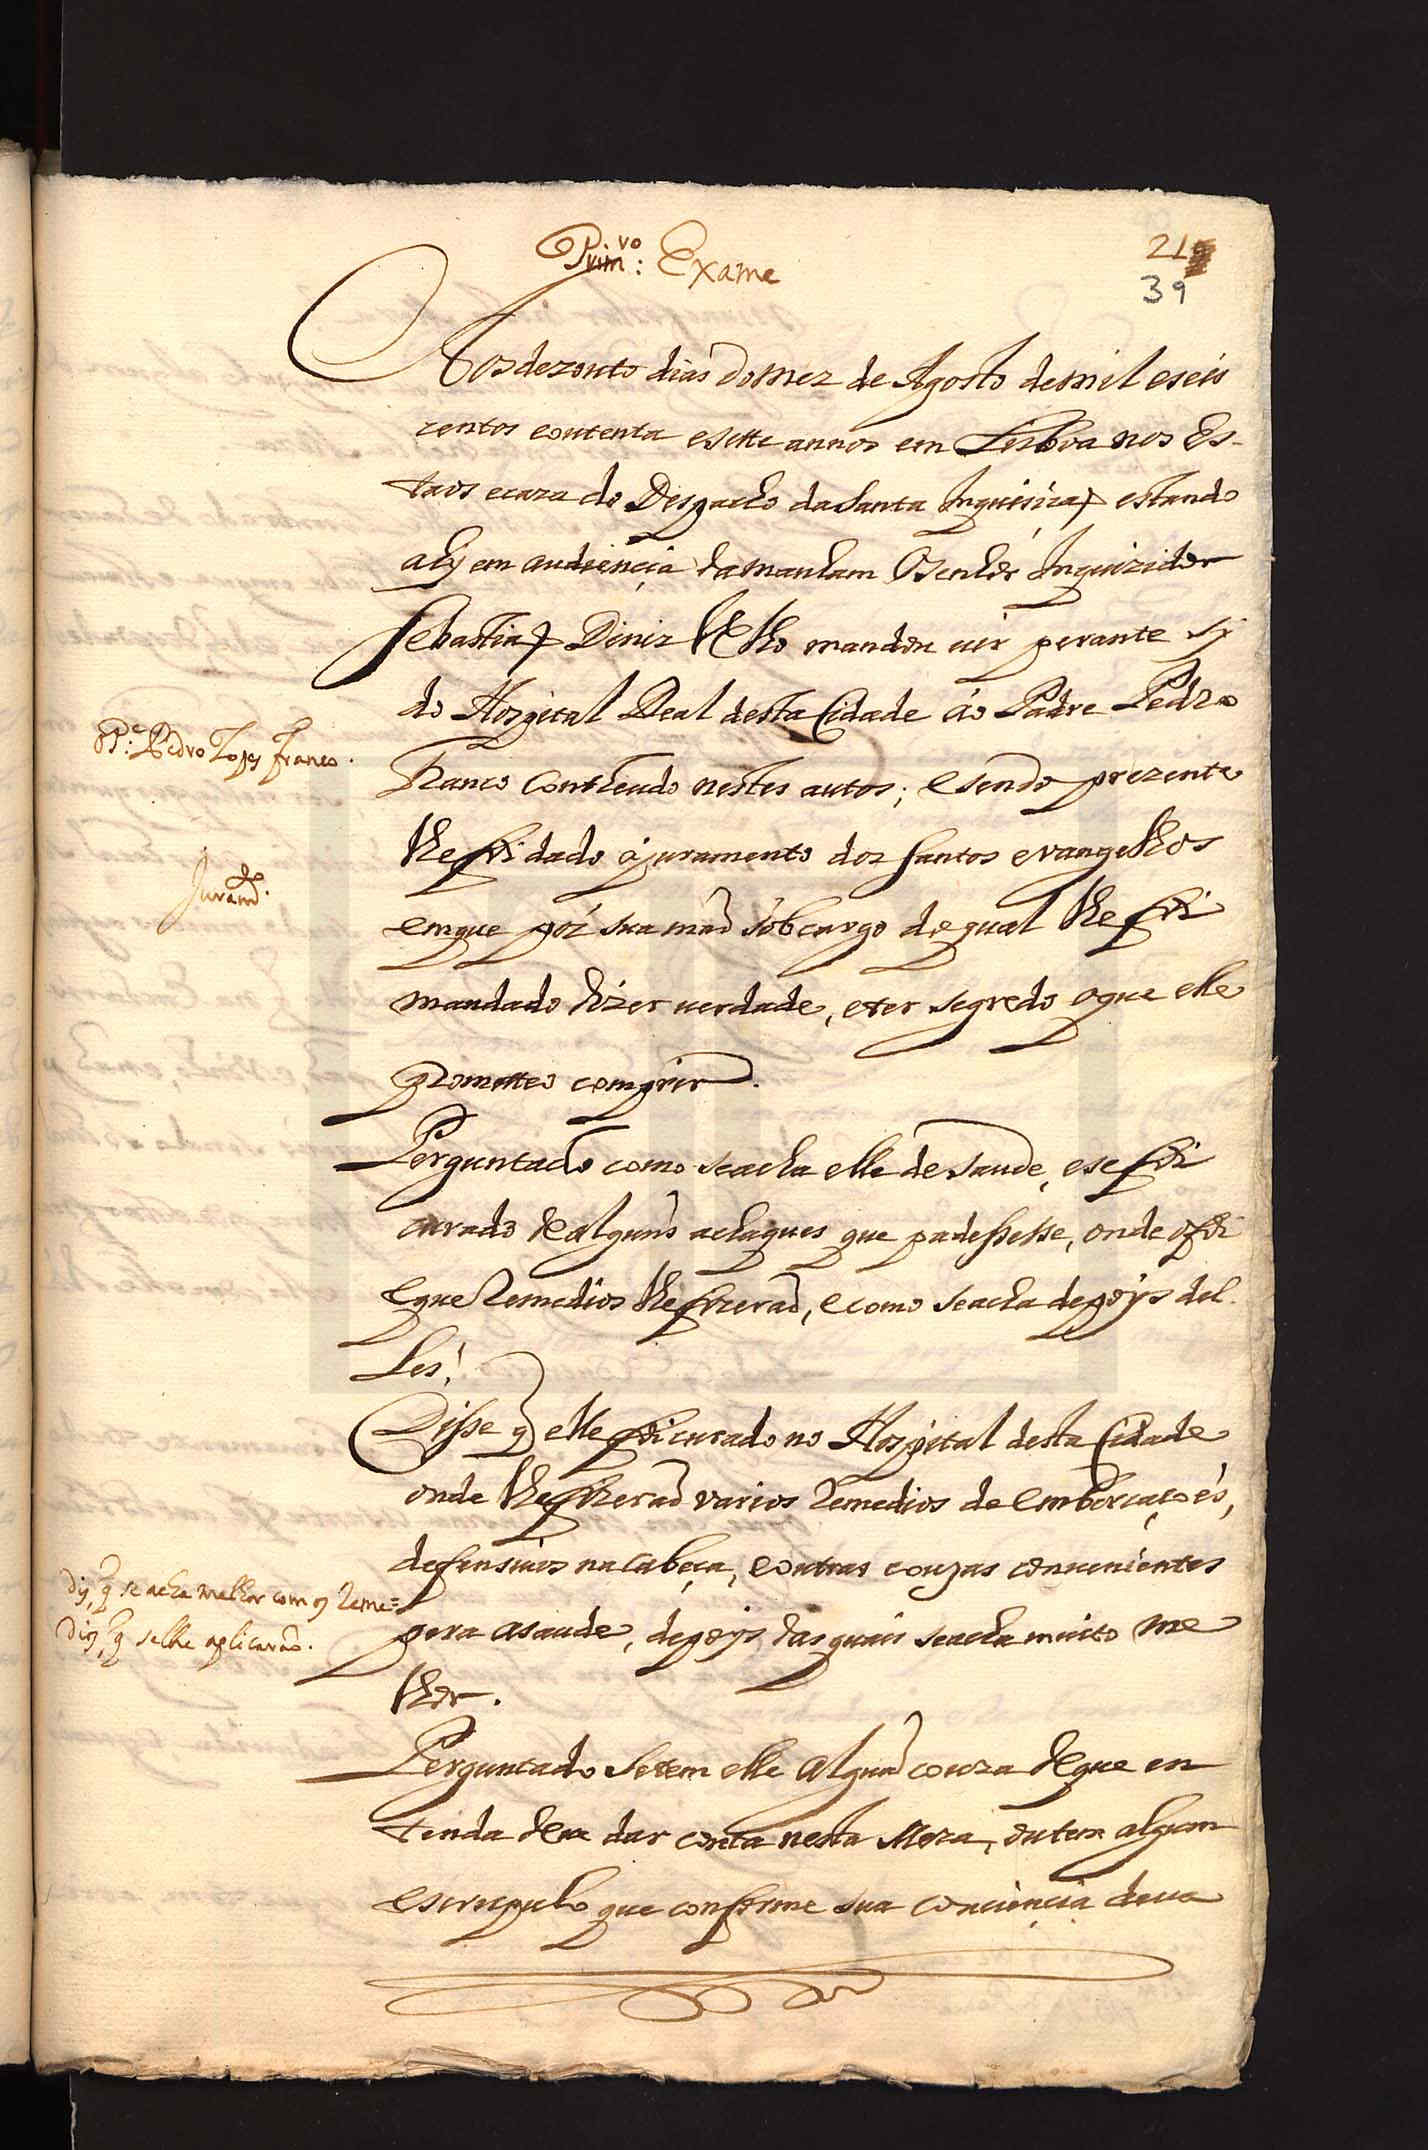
Primro: Exame
Aos dezouto dias do mez de Agosto de mil e seis
centos e outenta e sette annos em Lisboa nos Es
taos e caza do Despacho da Santa Inquisiçaõ estando
ahy em audiençia da manham O senhor Inquizidor
Sebastião Diniz Velho mandou uir perante sy
do Hospital Real desta Cidade ao Padre Pedro
Franco contheudo nestes autos; e sendo prezente
lhe foi dado a juramento dos Santos evangelhos
em que poz sua maõ sob cargo do qual lhe foi
mandado dizer uerdade, e ter segredo o que elle
prometteo comprir.
Perguntado como se acha elle de saude, e se foi
curado de alguns̄ achaques que padessesse, onde o foi
e que Remedios lhe fizeraõ, e como se acha depoys del
Les?
Disse q̄ elle foi curado no Hospital desta Cidade
onde lhe fizeraõ varios Remedios de emborcaçoes̄,
defensiuos na cabeça, e outras couzas conuenientes
para a saude, depoys das quais se acha muito me
lhor.
Perguntado se tem elle alguā couza de que en
tenda deue dar conta nesta Meza, ou tem algum
escrupulo que conforme sua conciênçia deua
